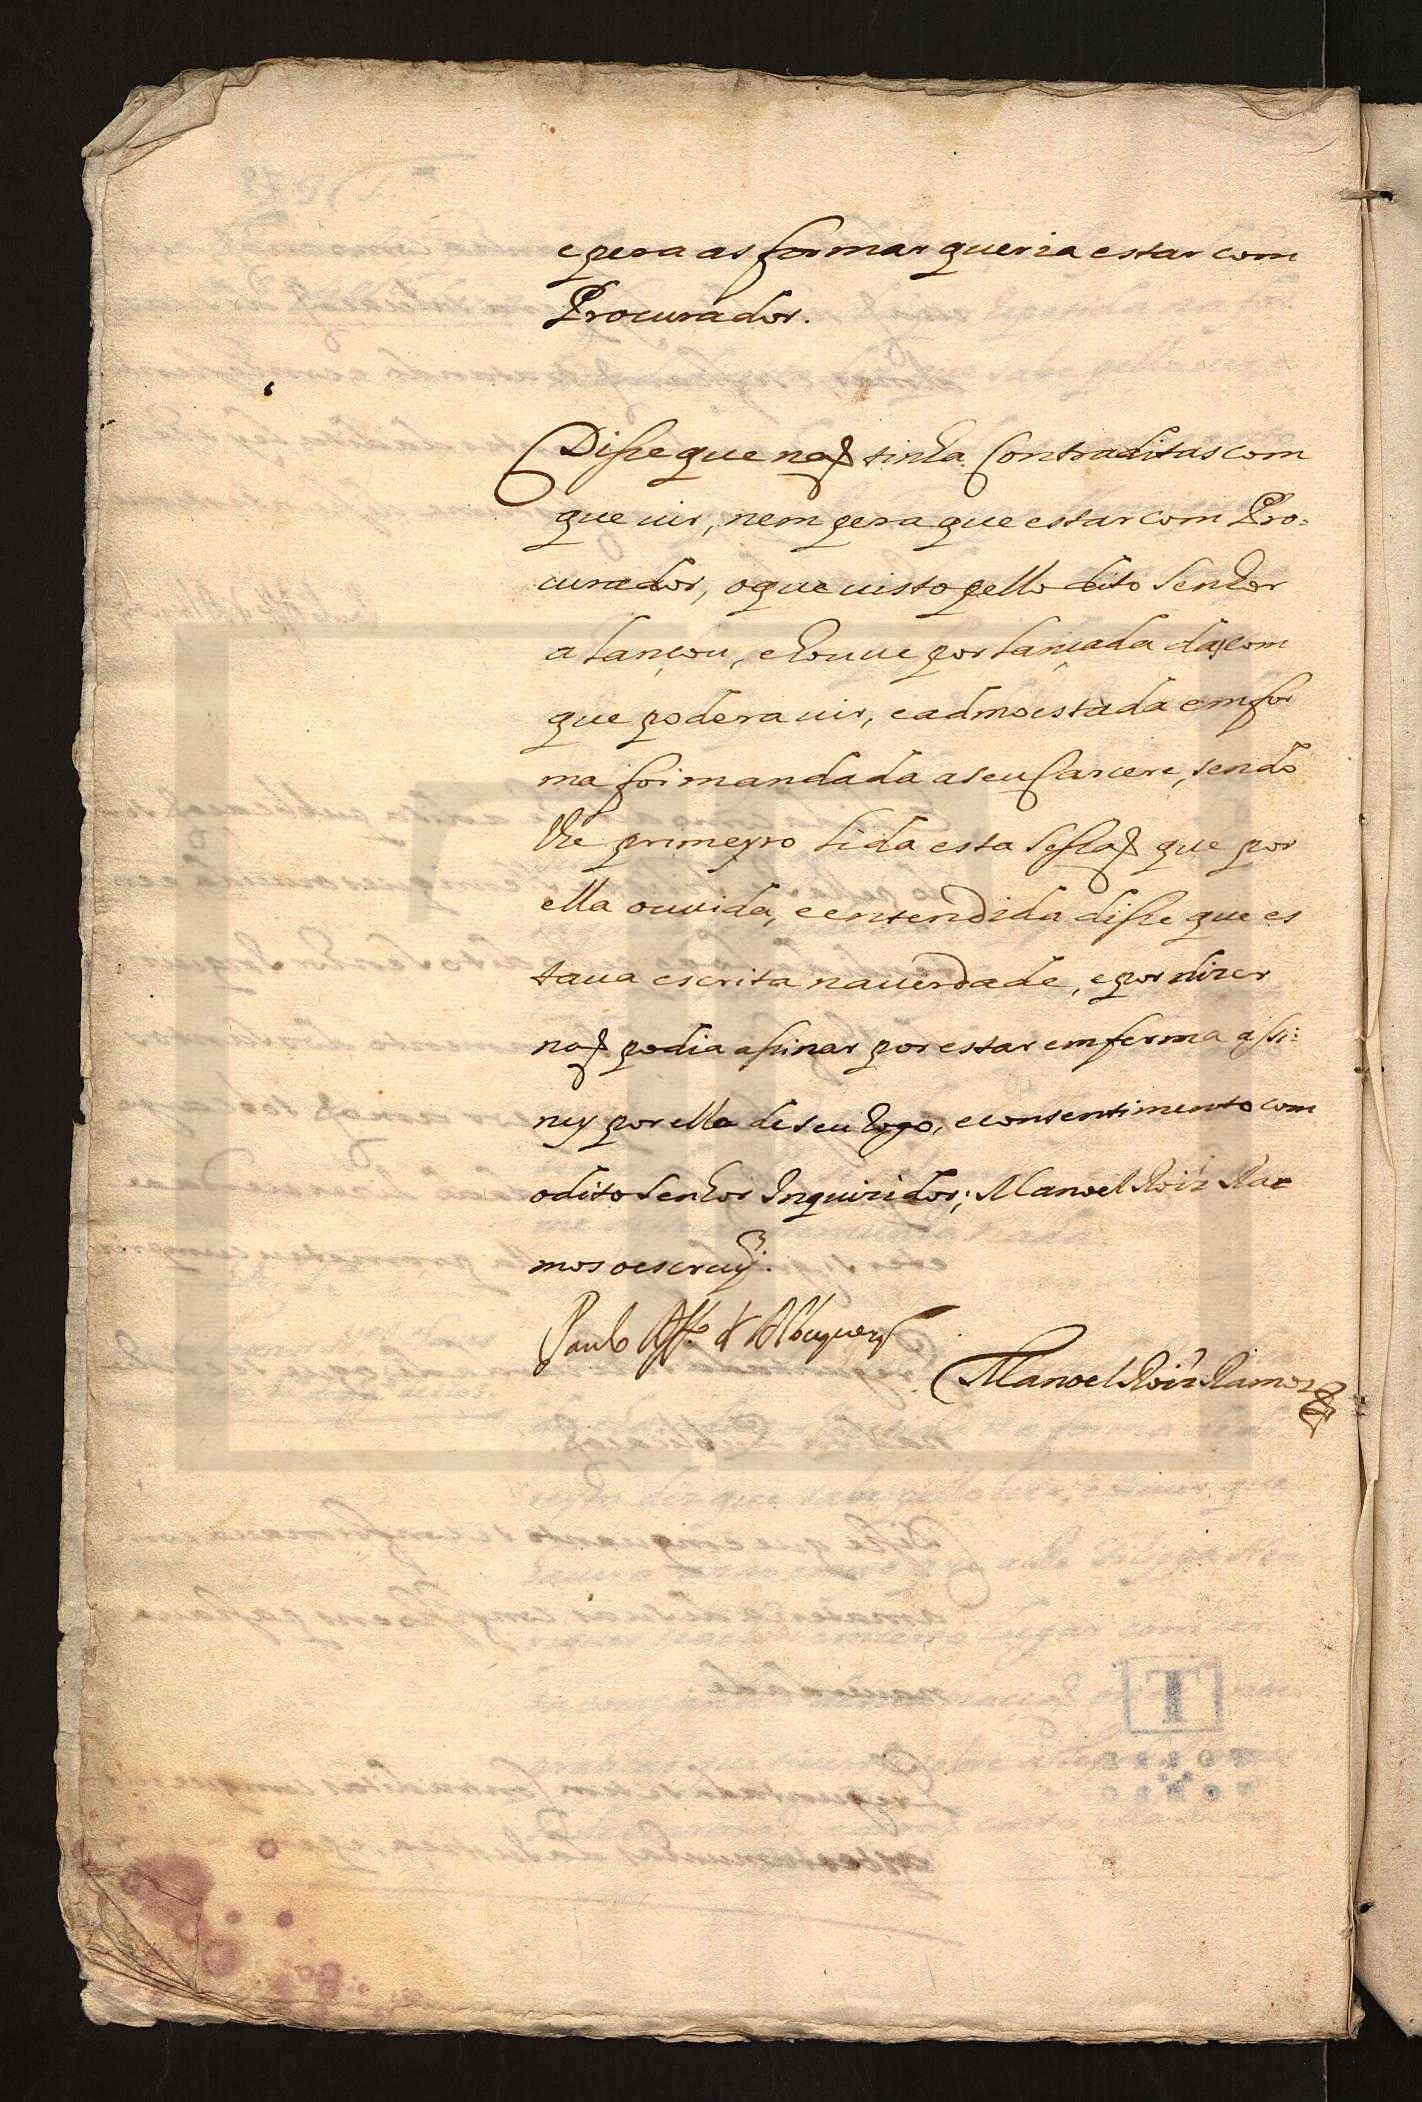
e pera as formar queria estar com
Procurador.
Disse que naõ tinha Contraditas com
que uir, nem pera que estar com Pro
curador, o que uisto pello dito Senhor
a Lançou, e houue por lançada das com
que podera uir, e admoestada em for
ma foi mandada a seu Carcere, sendo
lhe primeyro Lida esta sessaõ que por
ella ouuida, e entendida disse que es
taua escrita na uerdade, e por dizer
naõ podia assinar por estar emferma assi
ney por ella de seu Rogo, e consentimento com
o dito Senhor Inquizidor, Manoel Roiz̄ Ra
mos o escreuj.
Paulo Aff.o d̄ Albuquerq̄
Manoel Roiz̄ Ramoz
